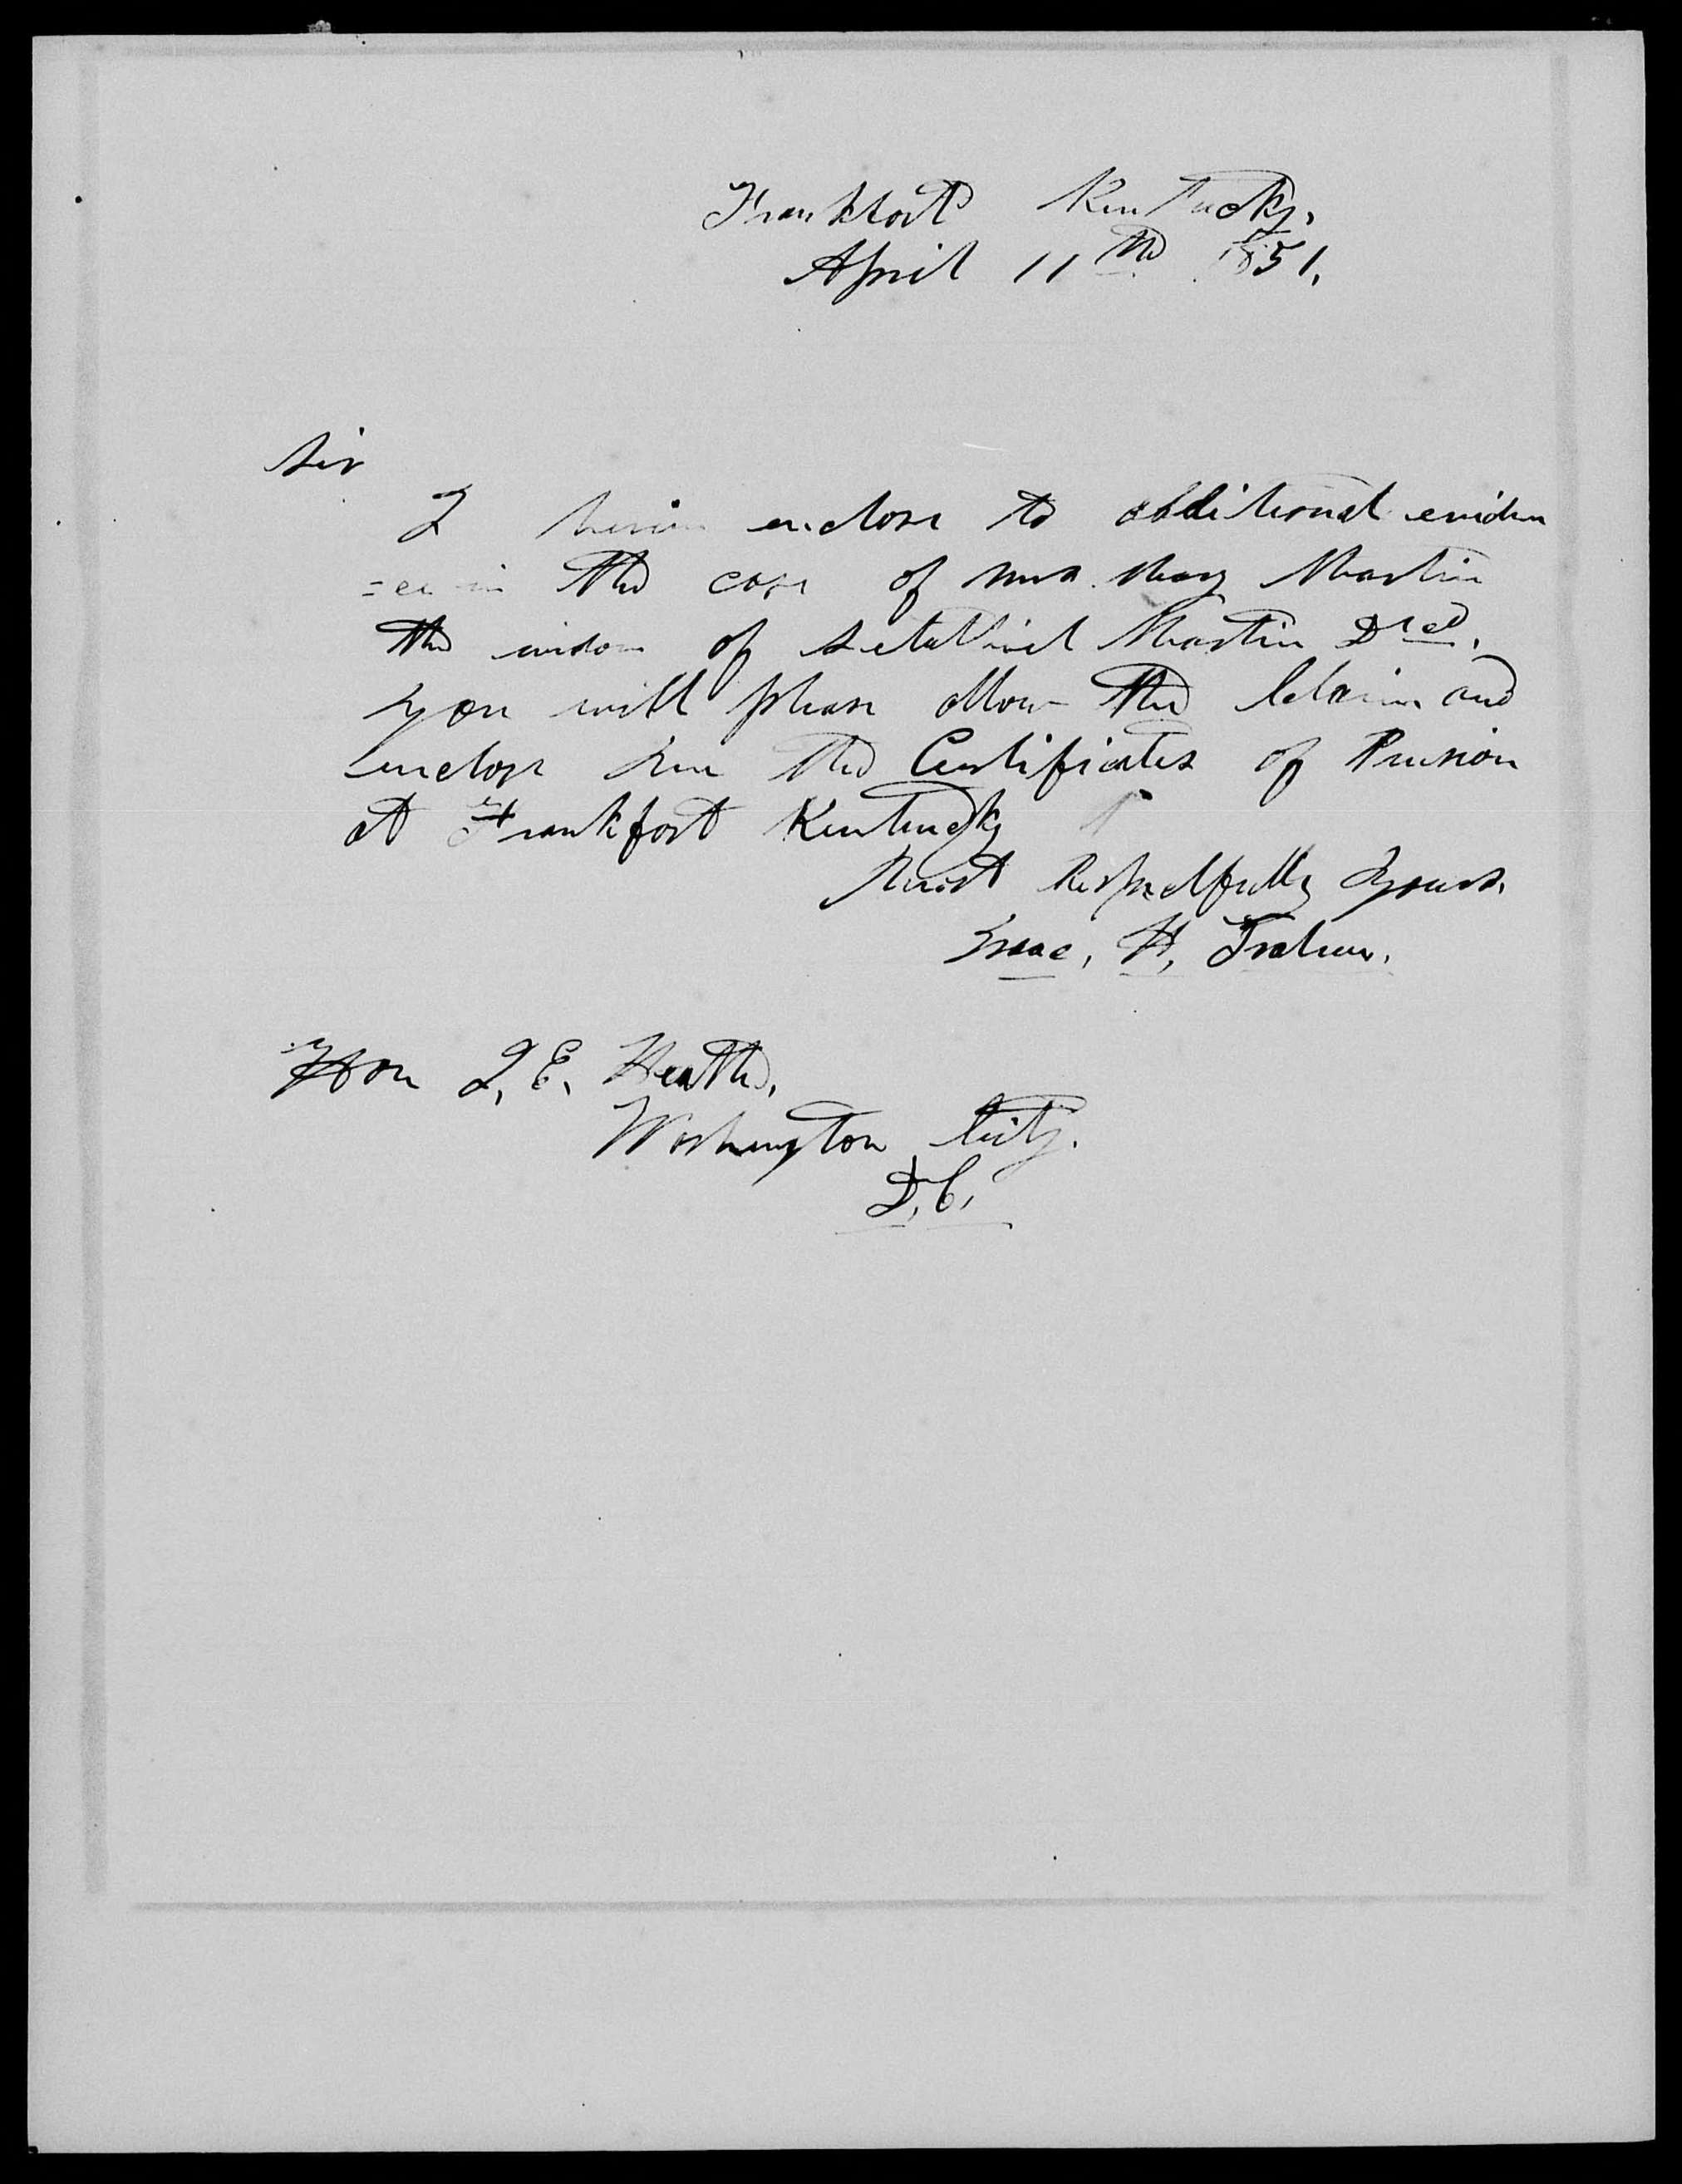Frankfort Kentucky,
April 11th 1851
Sir
I herein enclose to additional eviden
ce in the case of Mrs Mary Martin
the widow of Salathiel Martin Decd.
you will please allow the Claim and
Enclose in the Certificates of Pension
at Frankfort Kentucky
Most Respectfully yours
Isaac. H. Trabue.

Hon J.E. Heath
Washington City
D.C.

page: 51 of 120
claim: widow's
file: W. 1044, for Salathiel Martin, North Carolina